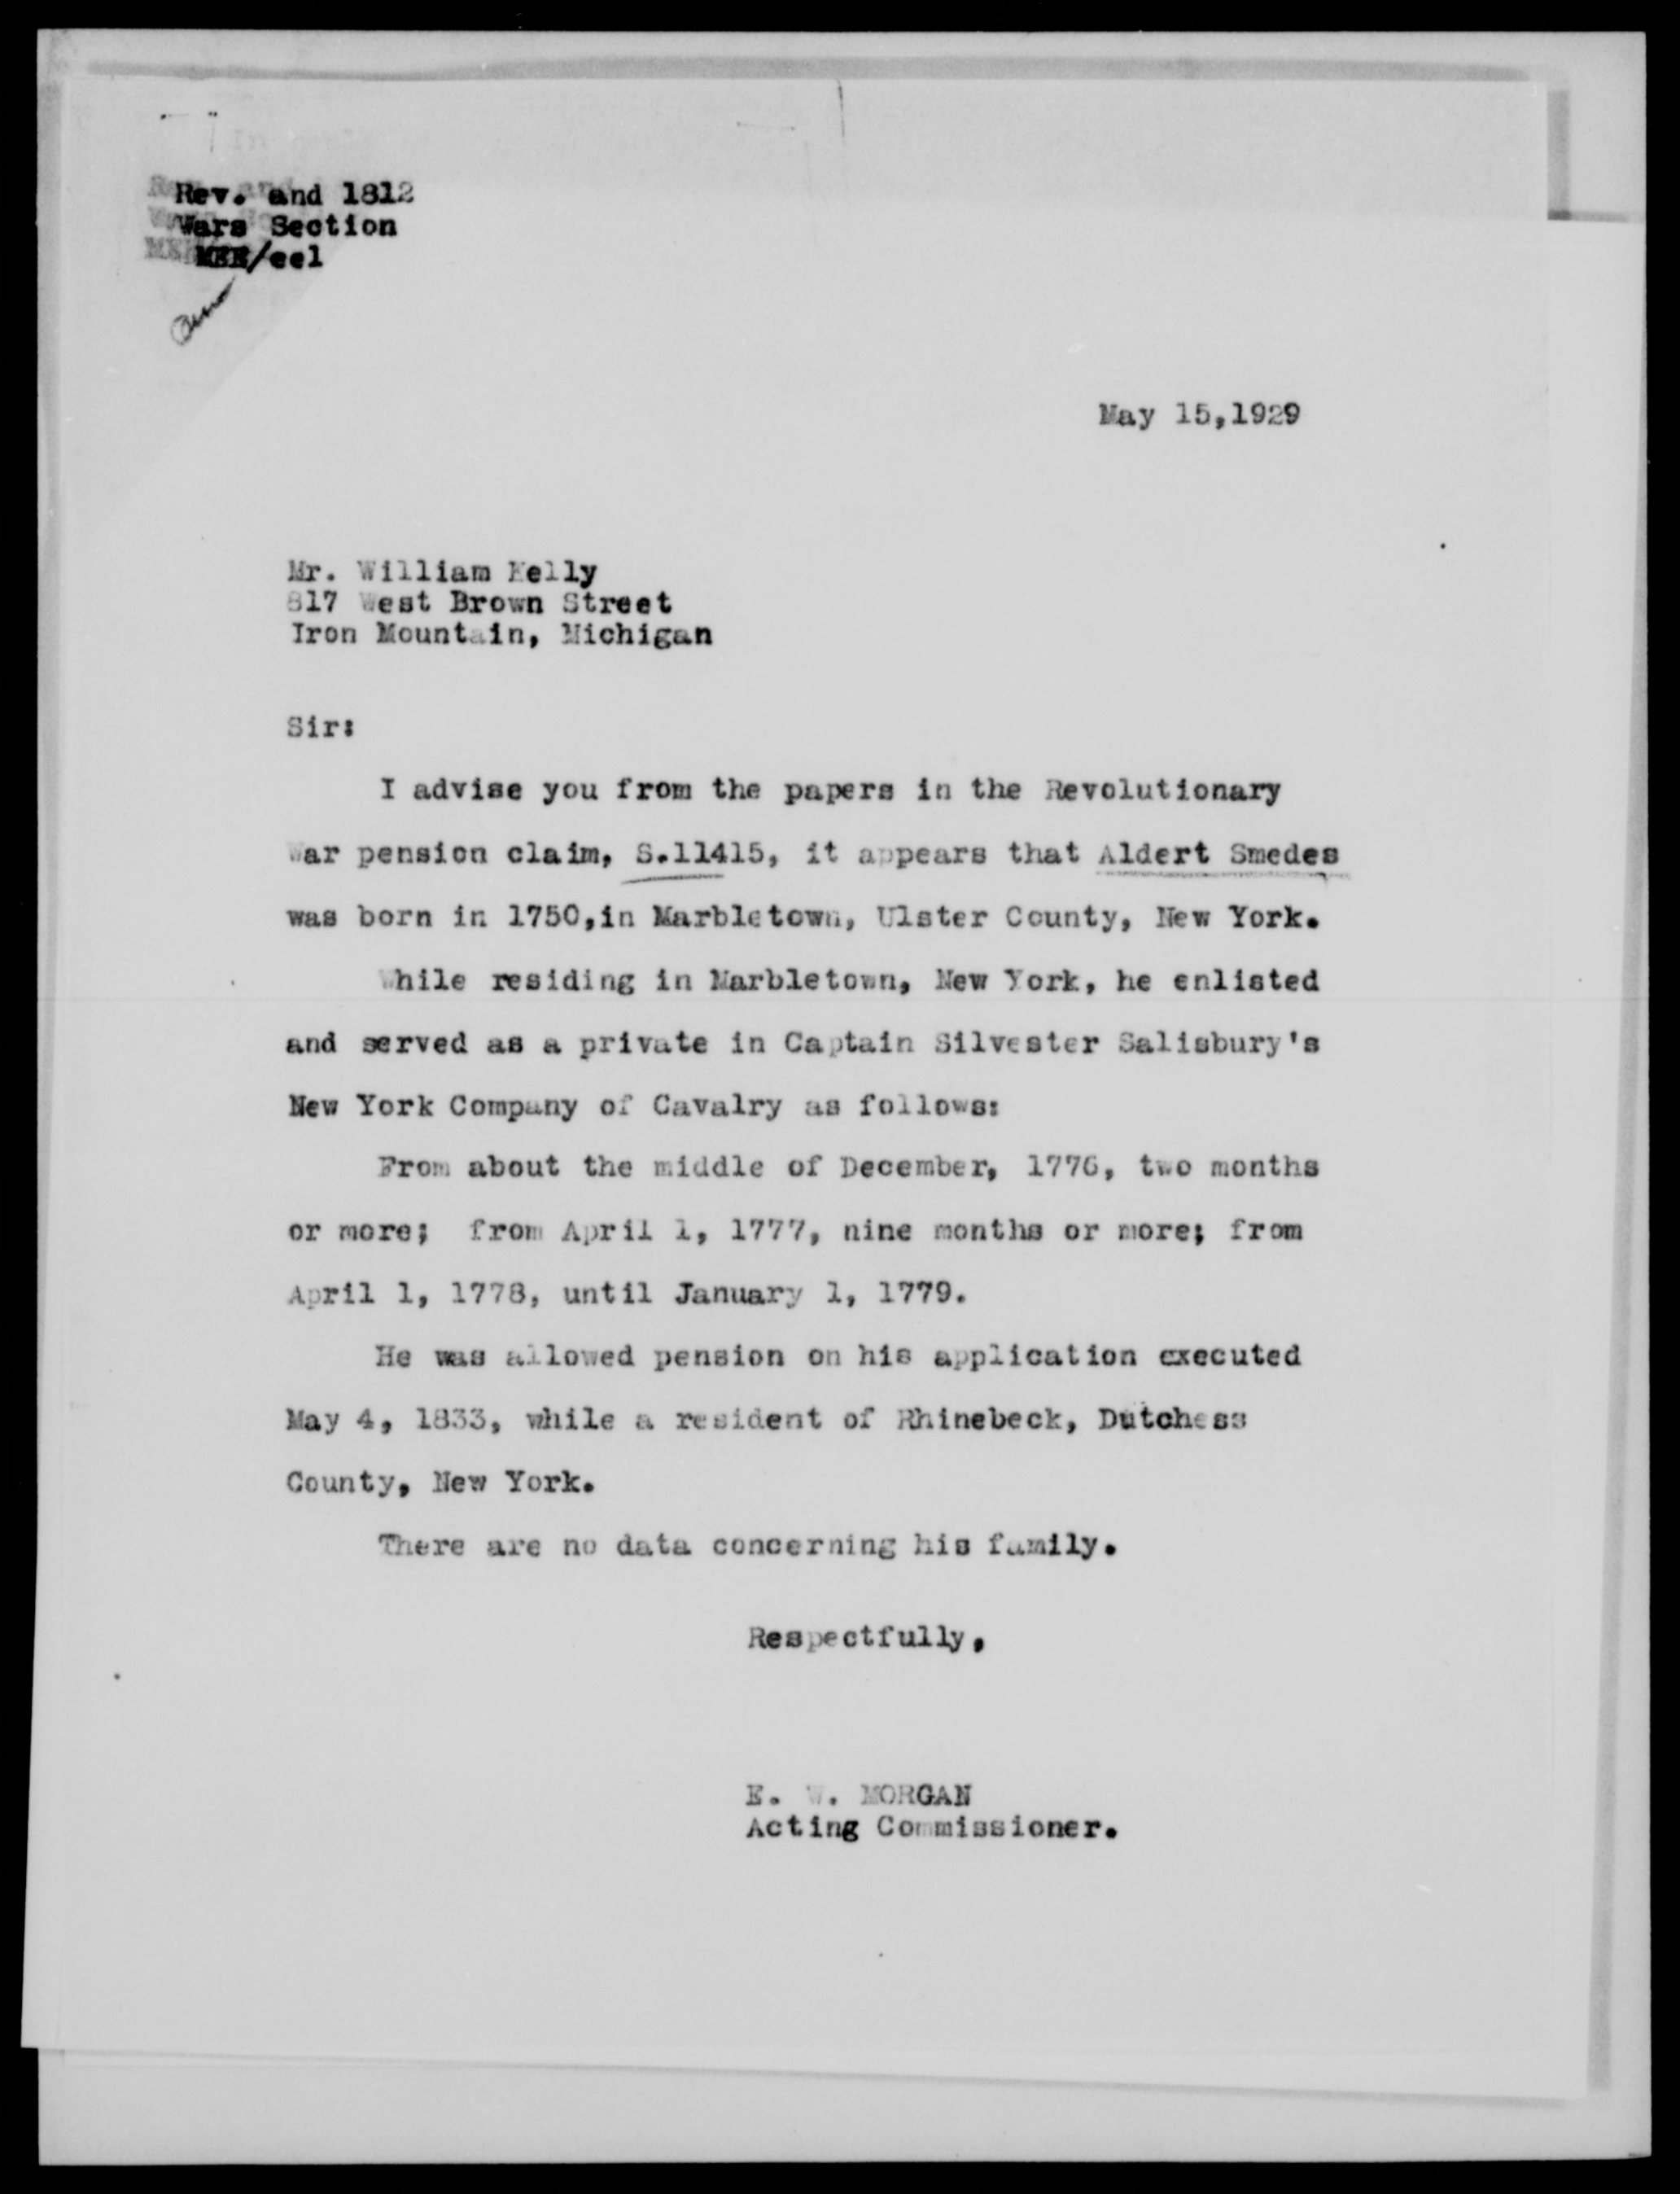Rev. and 1812
Wars Section
MEE/eel

May 15, 1929

Mr. William Kelly
317 West Brown Street
Iron Mountain, Michigan

Sir:

I advise you from the papers in the Revolutionary War pension claim, S.11415, it appears that Aldert Smedes was born in 1750, in Marbletown, Ulster County, New York.

While residing in Marbletown, New York, he enlisted and served as a private in Captain Silvester Salisbury's New York Company of Cavalry as follows:
From about the middle of December, 1776, two months or more; from April 1, 1777, nine months or more; from April 1, 1778, until January 1, 1779.

He was allowed pension on his application executed May 4, 1833, while a resident of Rhinebeck, Dutchess County, New York.

There are no data concerning his family.

Respectfully,
E. W. MORGAN
Acting Commissioner.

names: E W Morgan; William Kelly; Aldert Smedes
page: 15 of 29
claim: survivor's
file: S. 11415, for Aldert Smedes, New York